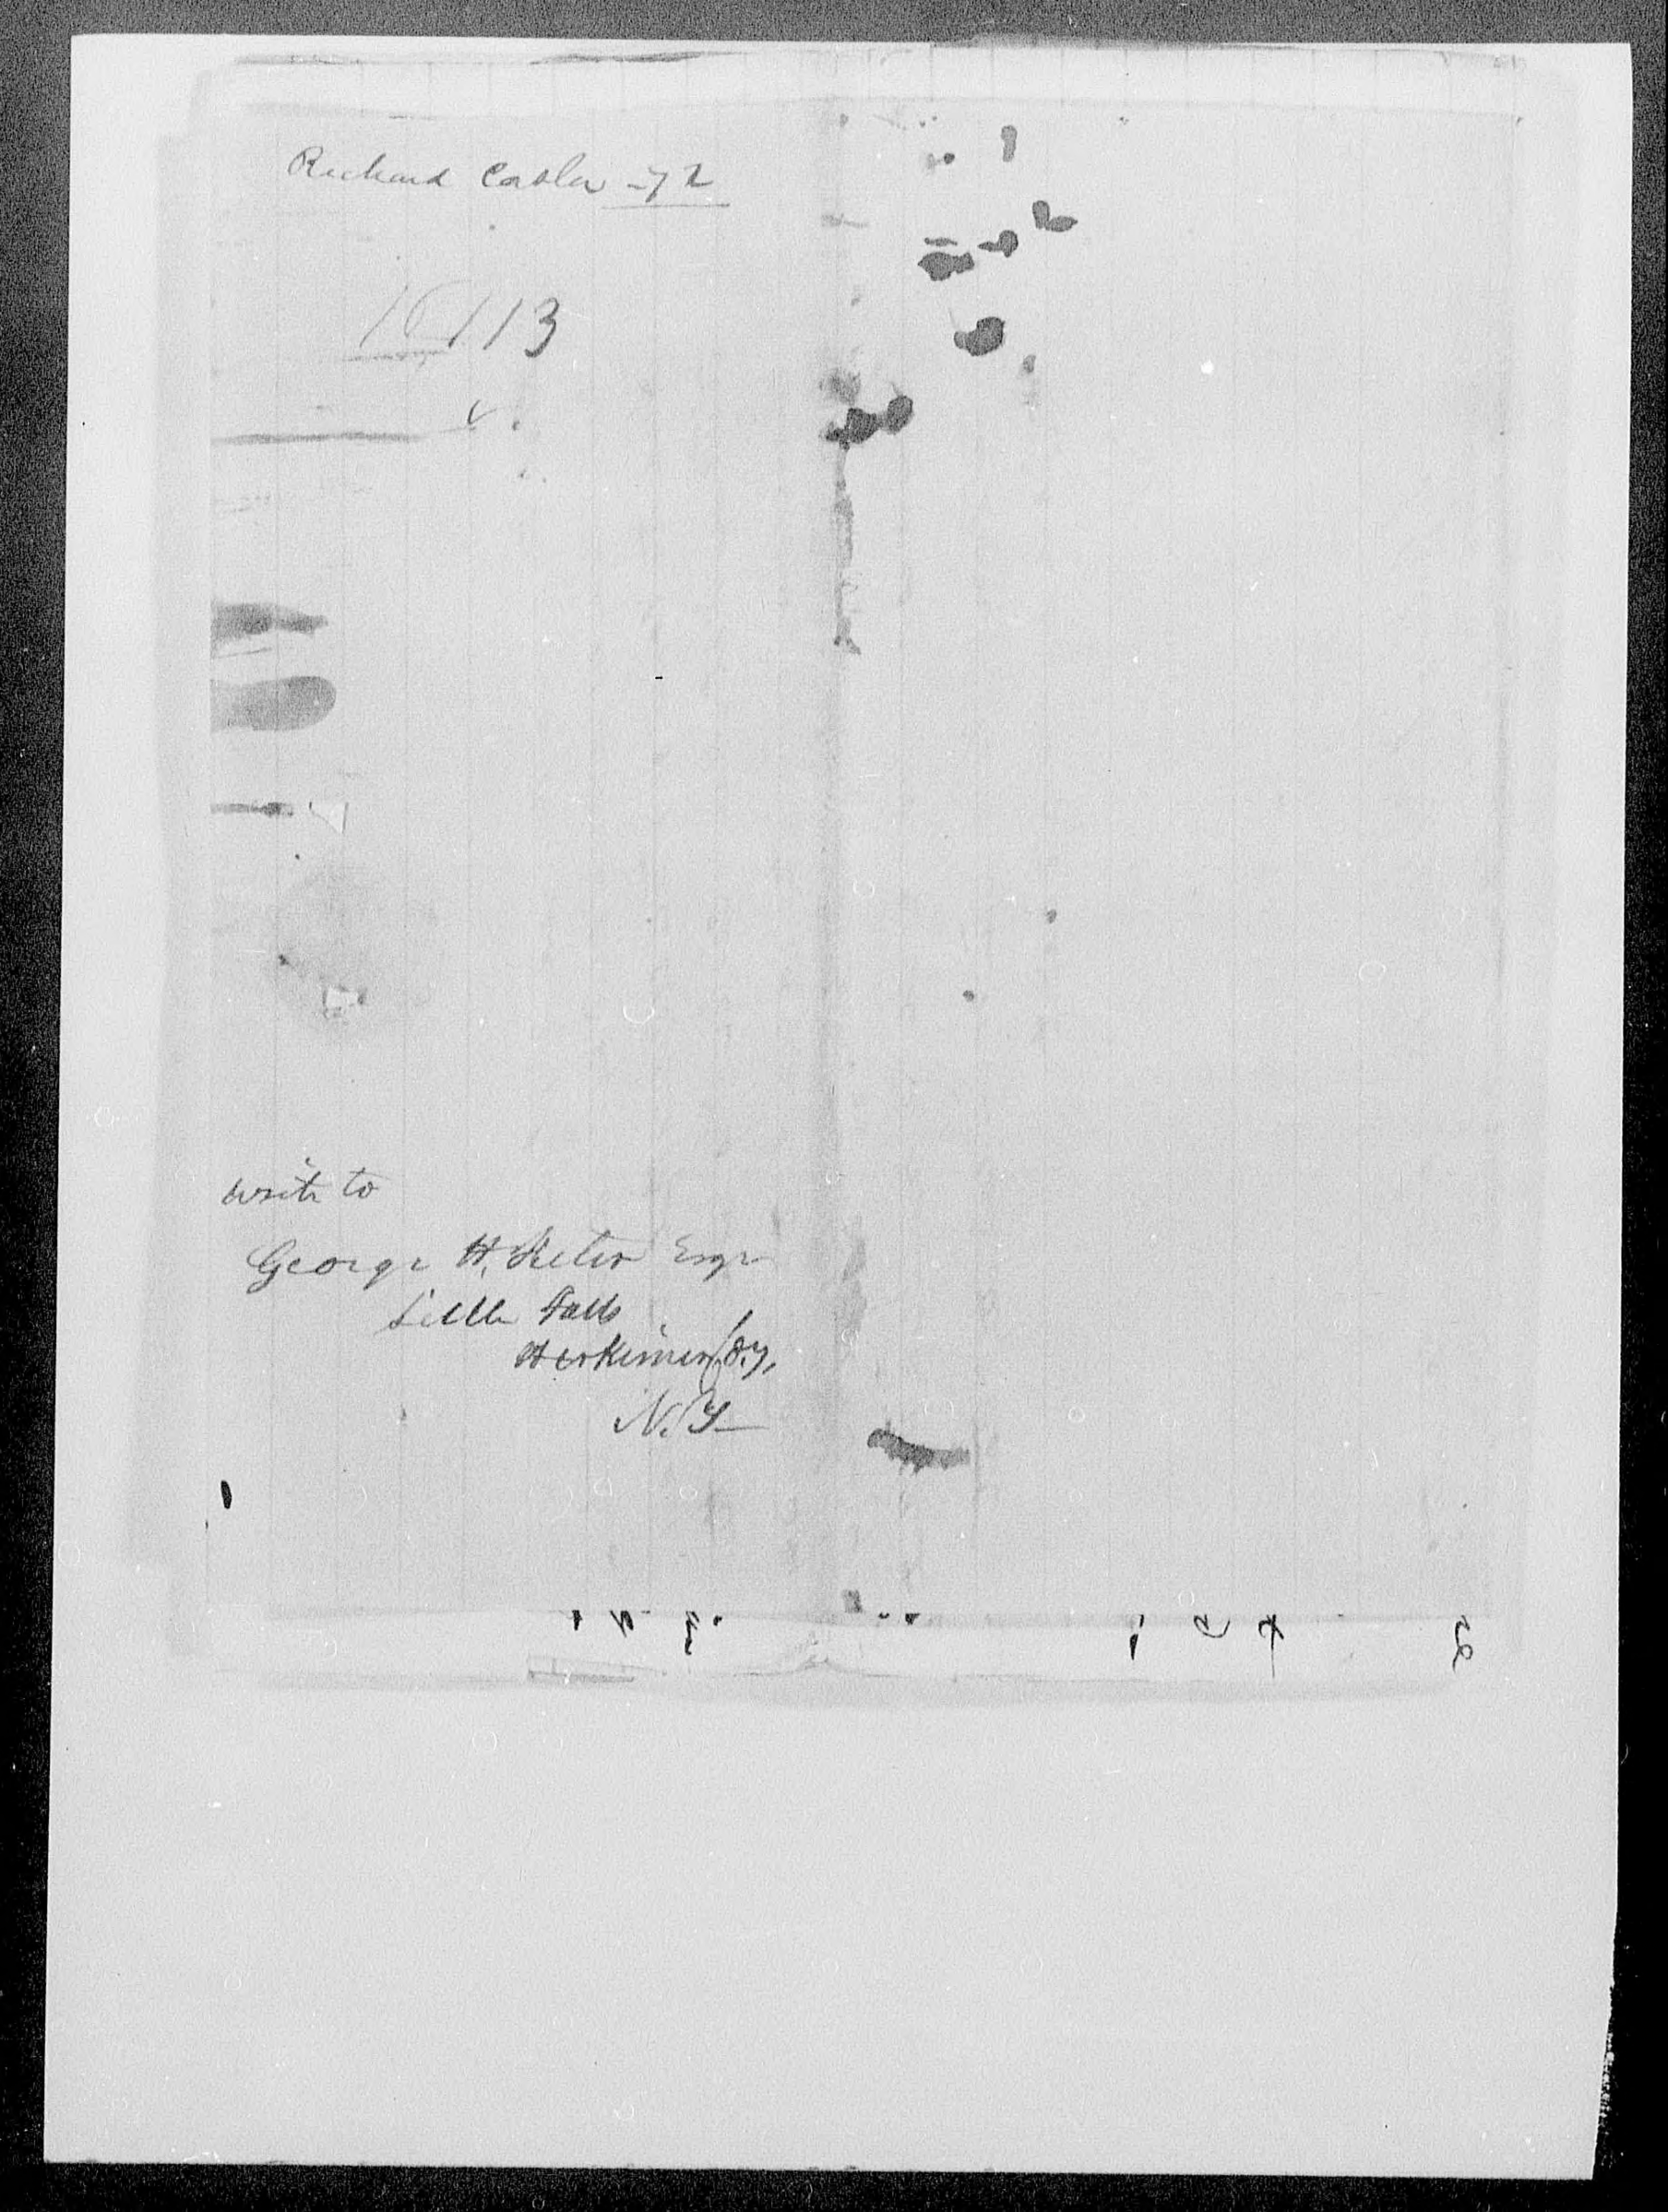Richard Casler – 72
16113 

write to 
George H. Feeter Esq 
Little Falls
Herkimer Coy., N. Y.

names: Richard Casler, George H Feeter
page: 3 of 66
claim: widow's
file: W. 6637, Richard Caslar, New York